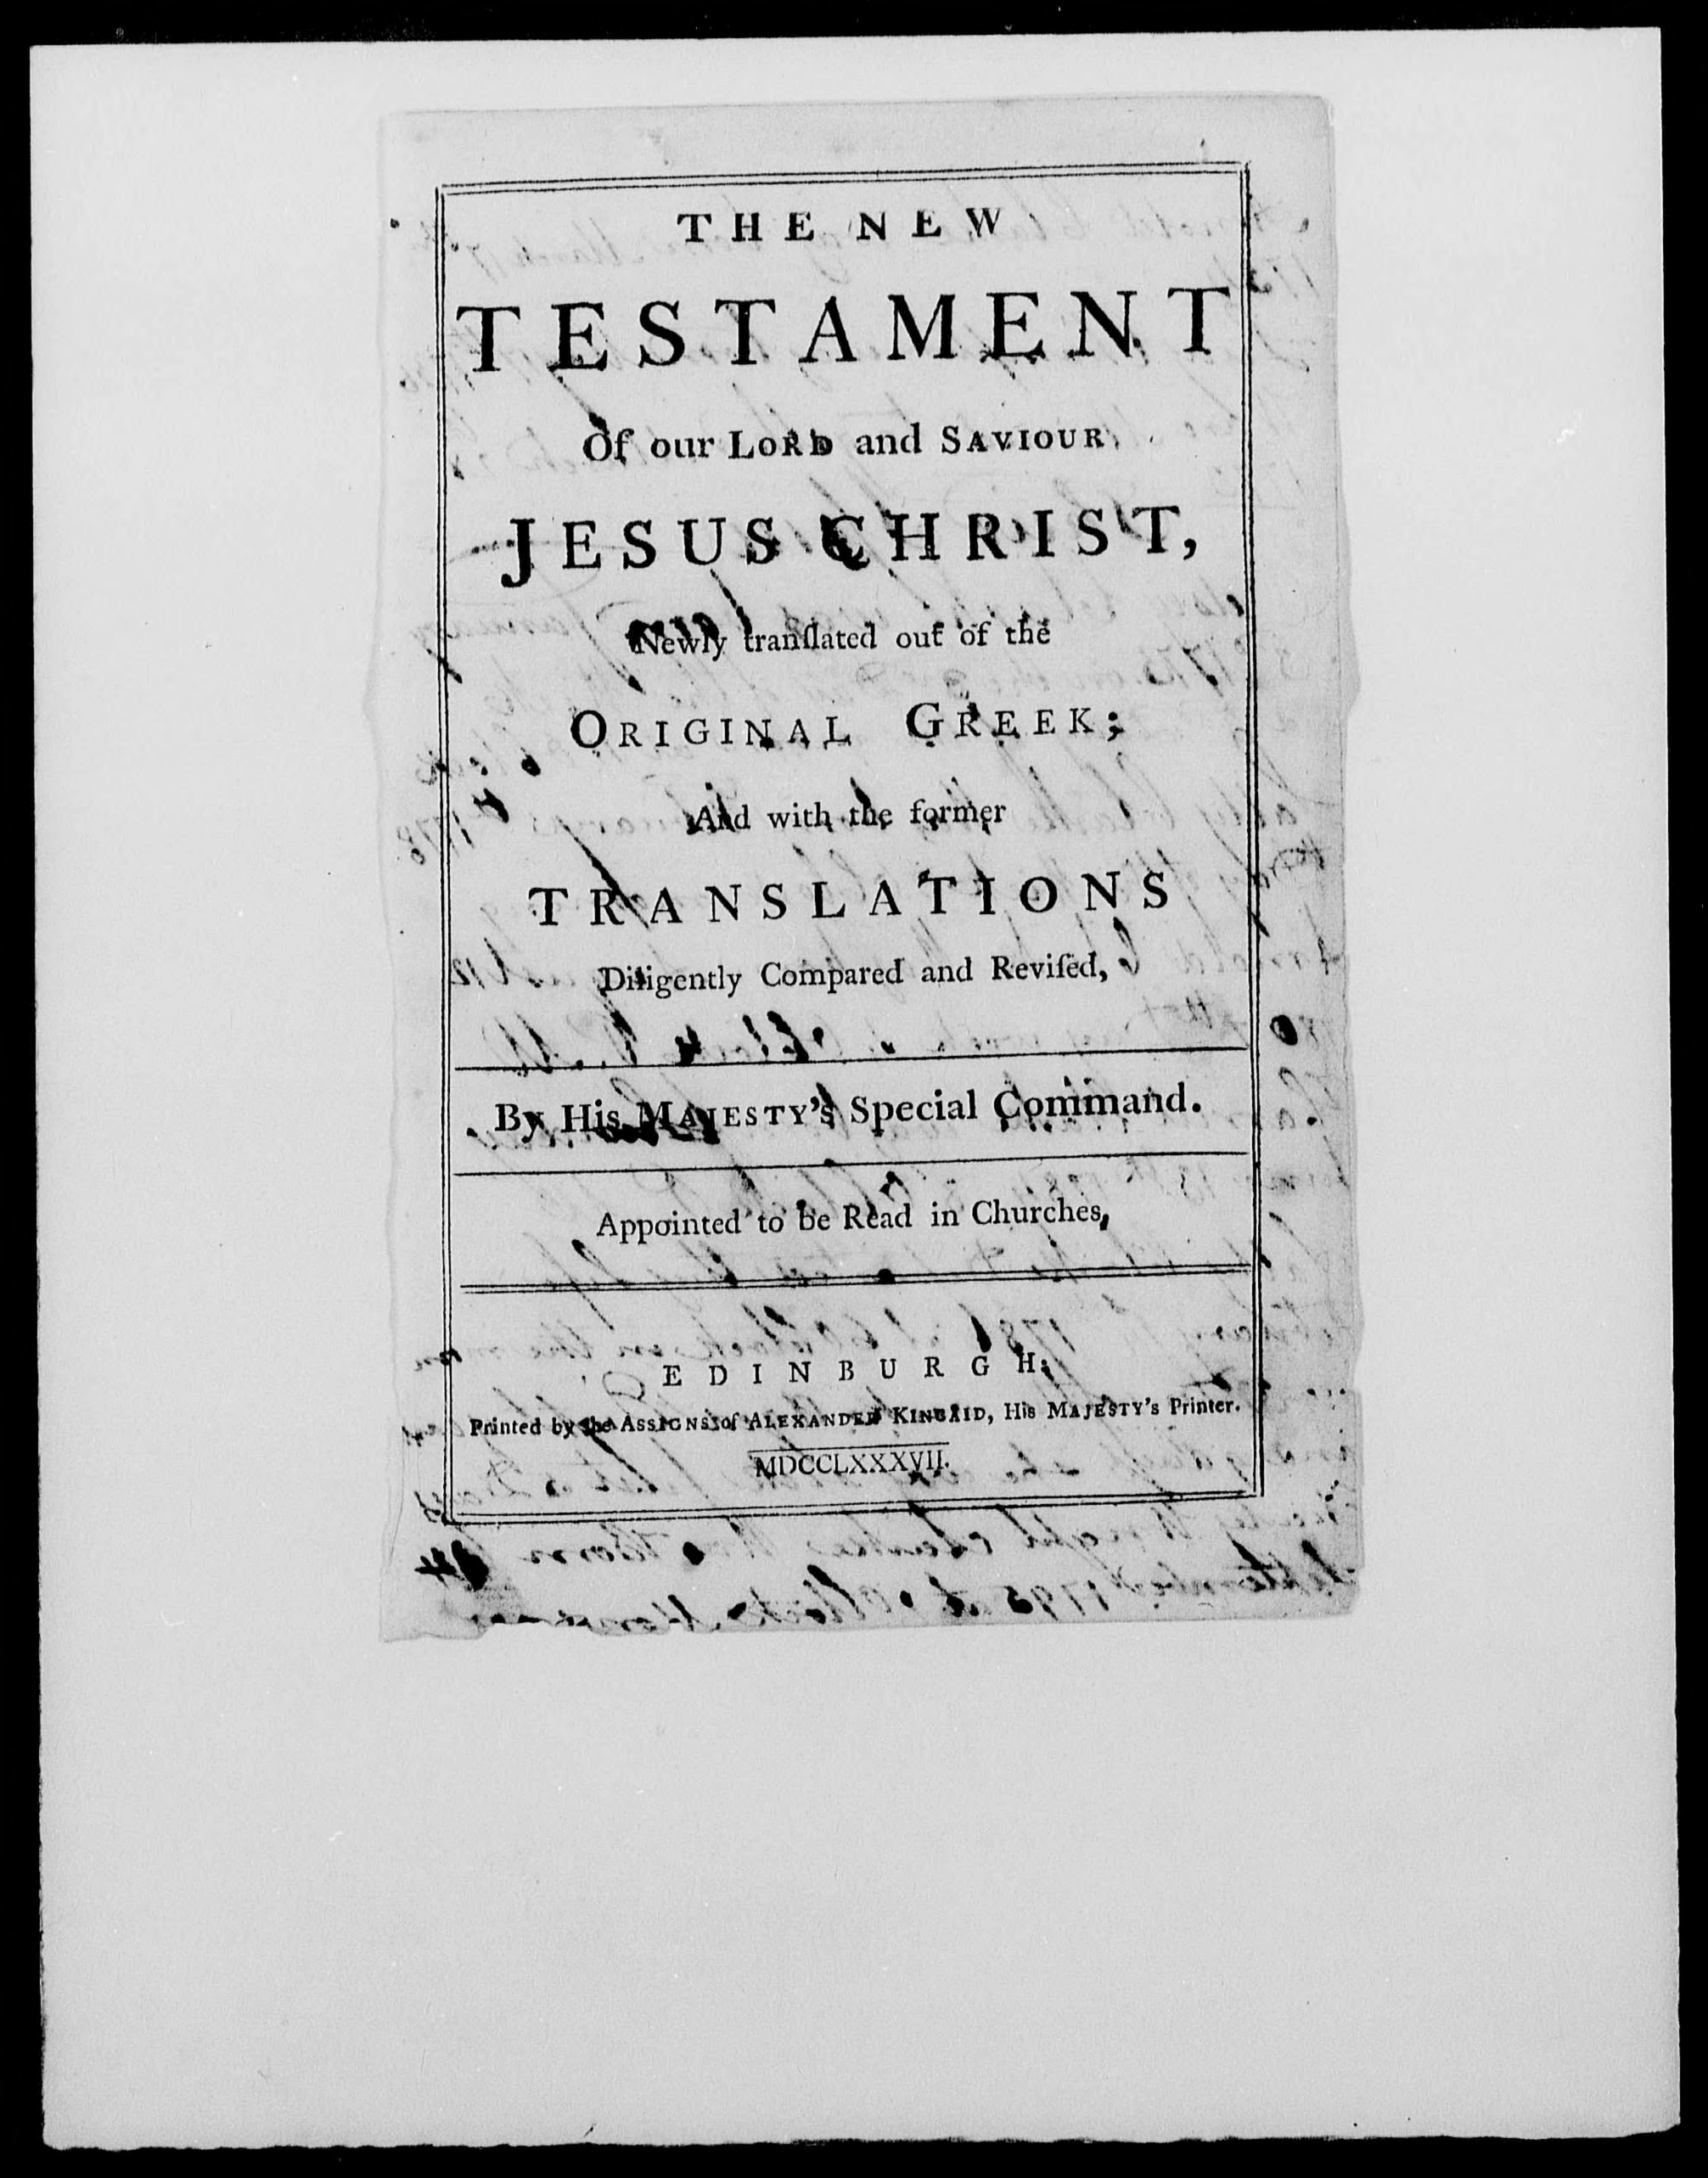The New Testament of our Lord and Saviour Jesus Christ, newly translated out of the Original Greek; And with the former Translations Diligently Compared and Revised, By His Majesty's Special Command. Appointed to be Read in Churches
Edinburgh
Printed by the Assigns of Alexander Kincaid, His Majesty's Printer.
MDCCLXXXVII.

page: 10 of 48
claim: widow's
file: W. 17,628, Arnold Clarke, R.I.